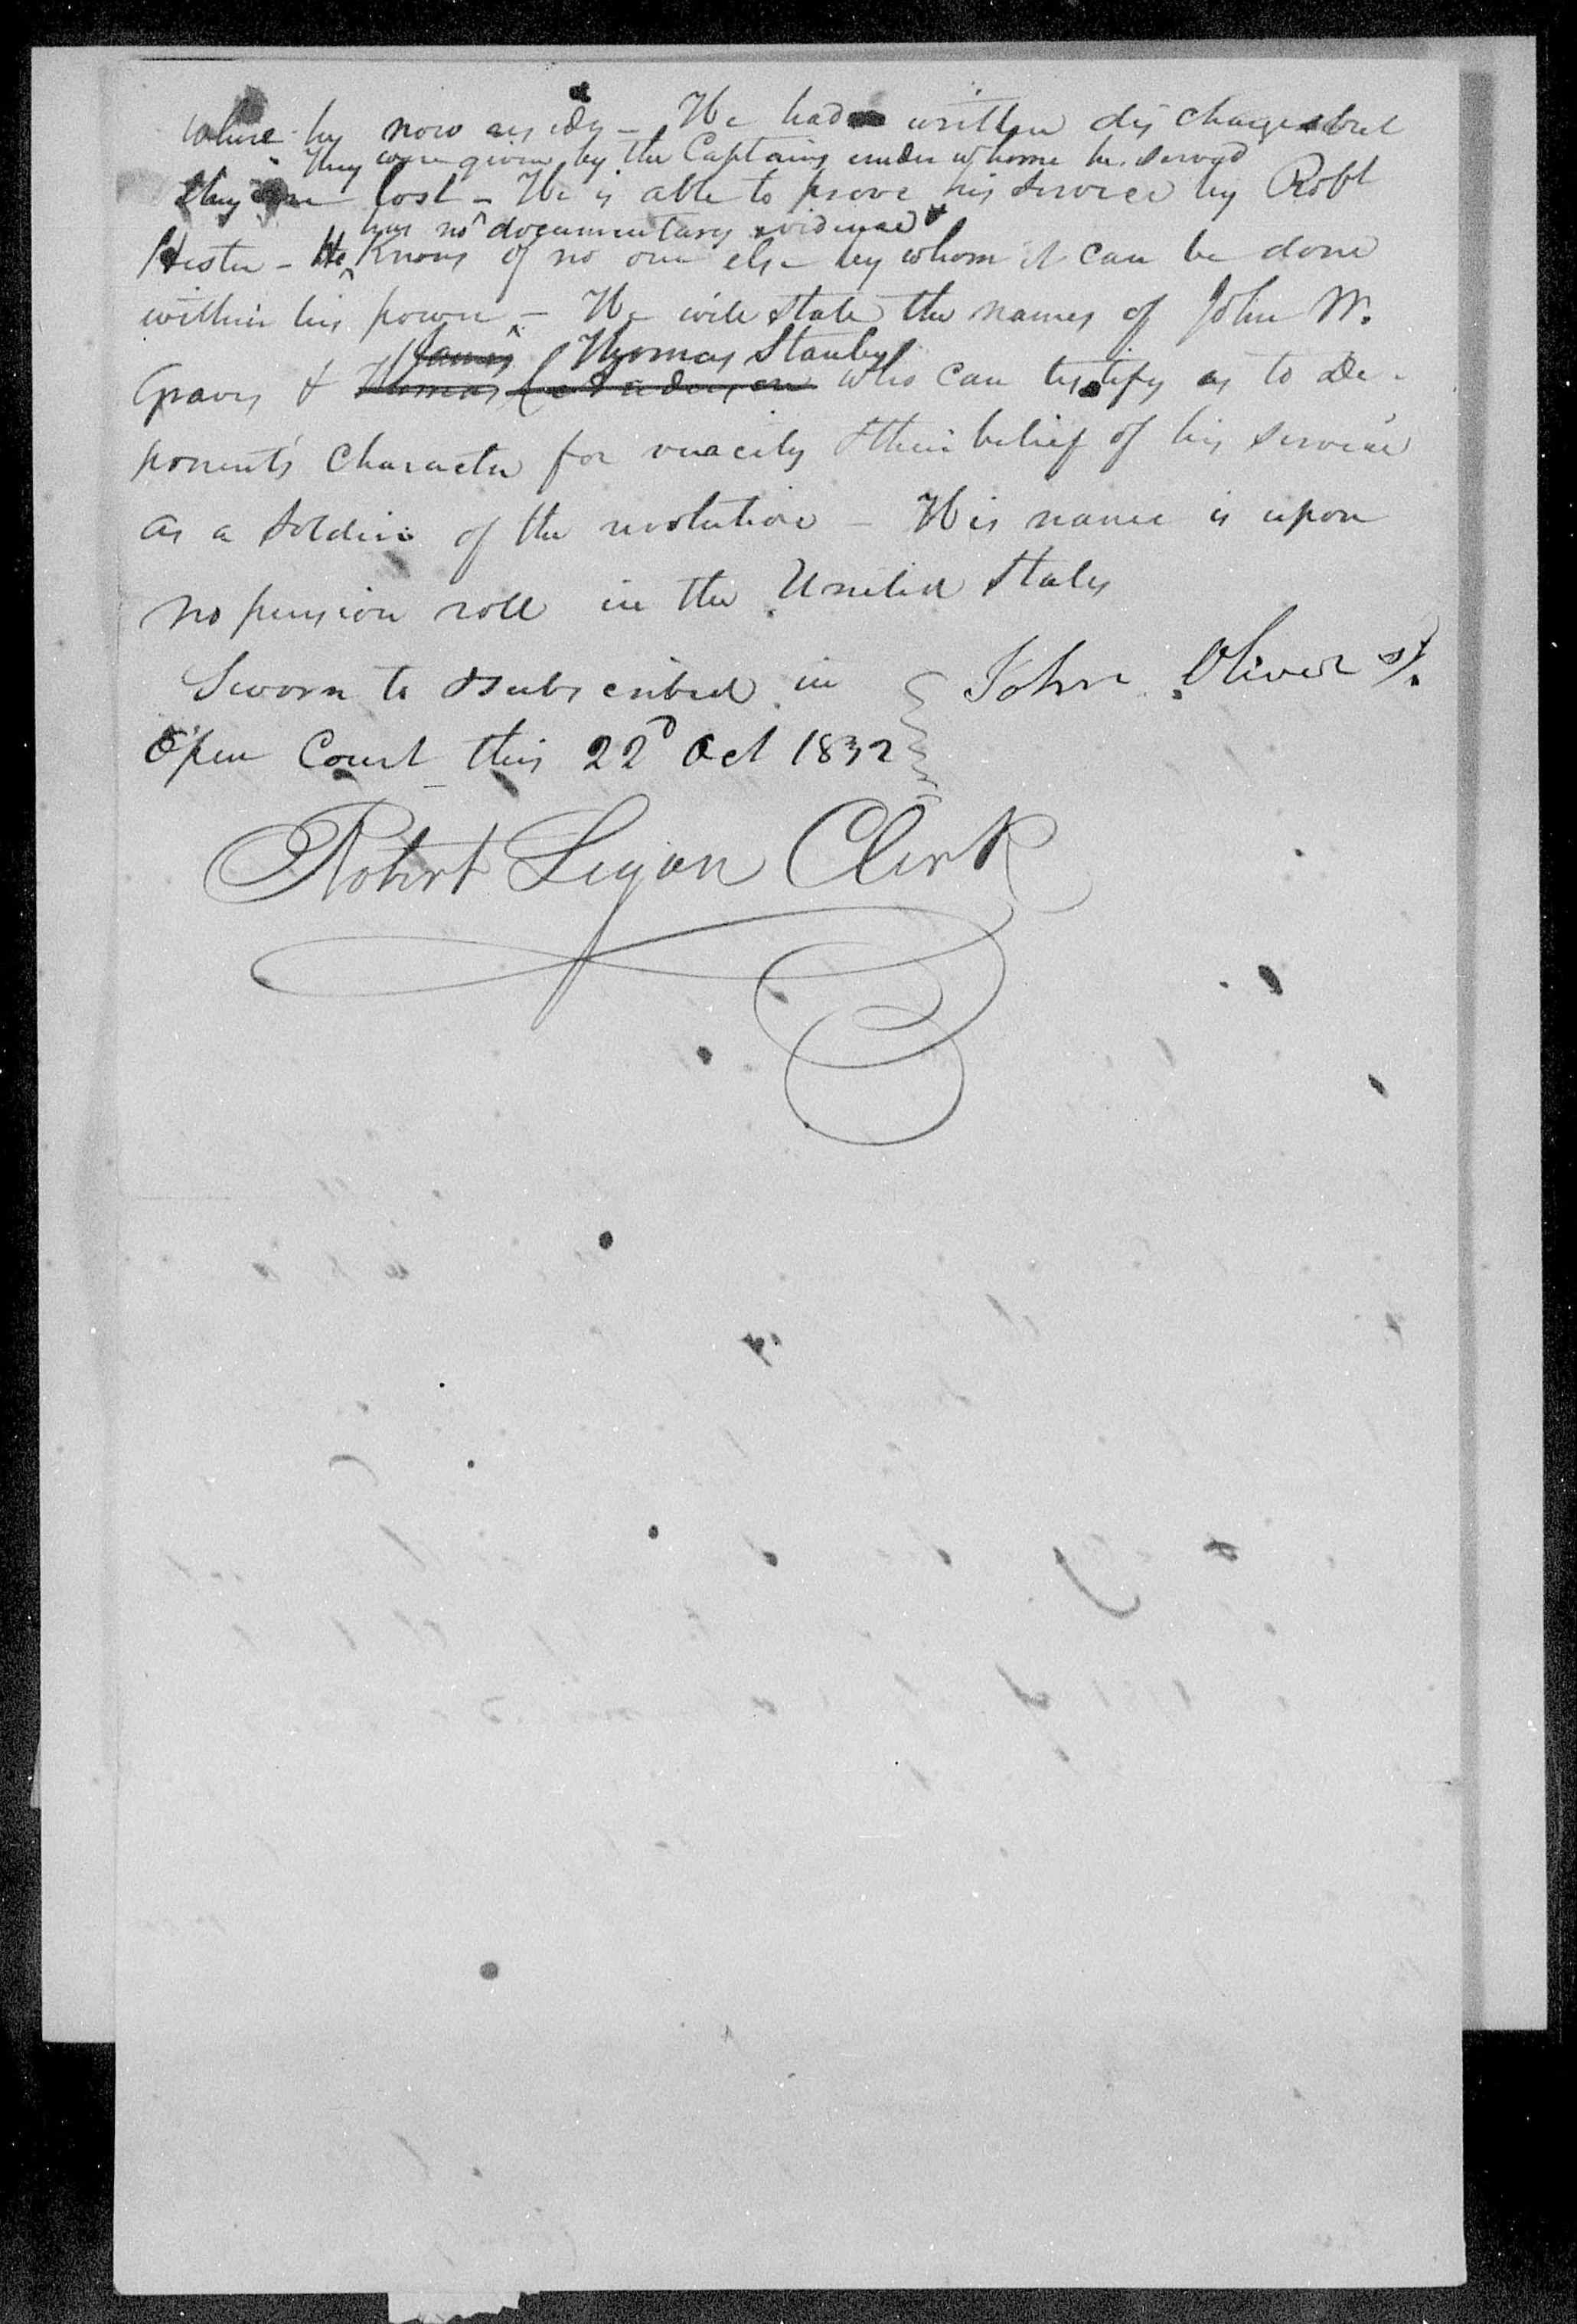where he now resides.  He had written discharges but they are lost.  They were given 
by the captains under whom he served.  He is able to prove his service by Robert Hester. He has no documentary evidence & knows of no one else by whom it can be done within his power.  He will state the names of John W. Graves & Thomas Stanley who can testify as to Deponent's character for veracity & their belief of his service as a soldier of the revolution.  His name is upon no pension roll in the United States. 
                               John Oliver Sr.
Sworn to & subscribed in open court this 22nd of October 1832 
                   Robert Ligon Clerk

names: Thomas Stanley; John Oliver; Robert Ligon; Robt Hester; John W Graves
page: 5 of 32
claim: survivor's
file: S. 31888, for John Oliver, North Carolina